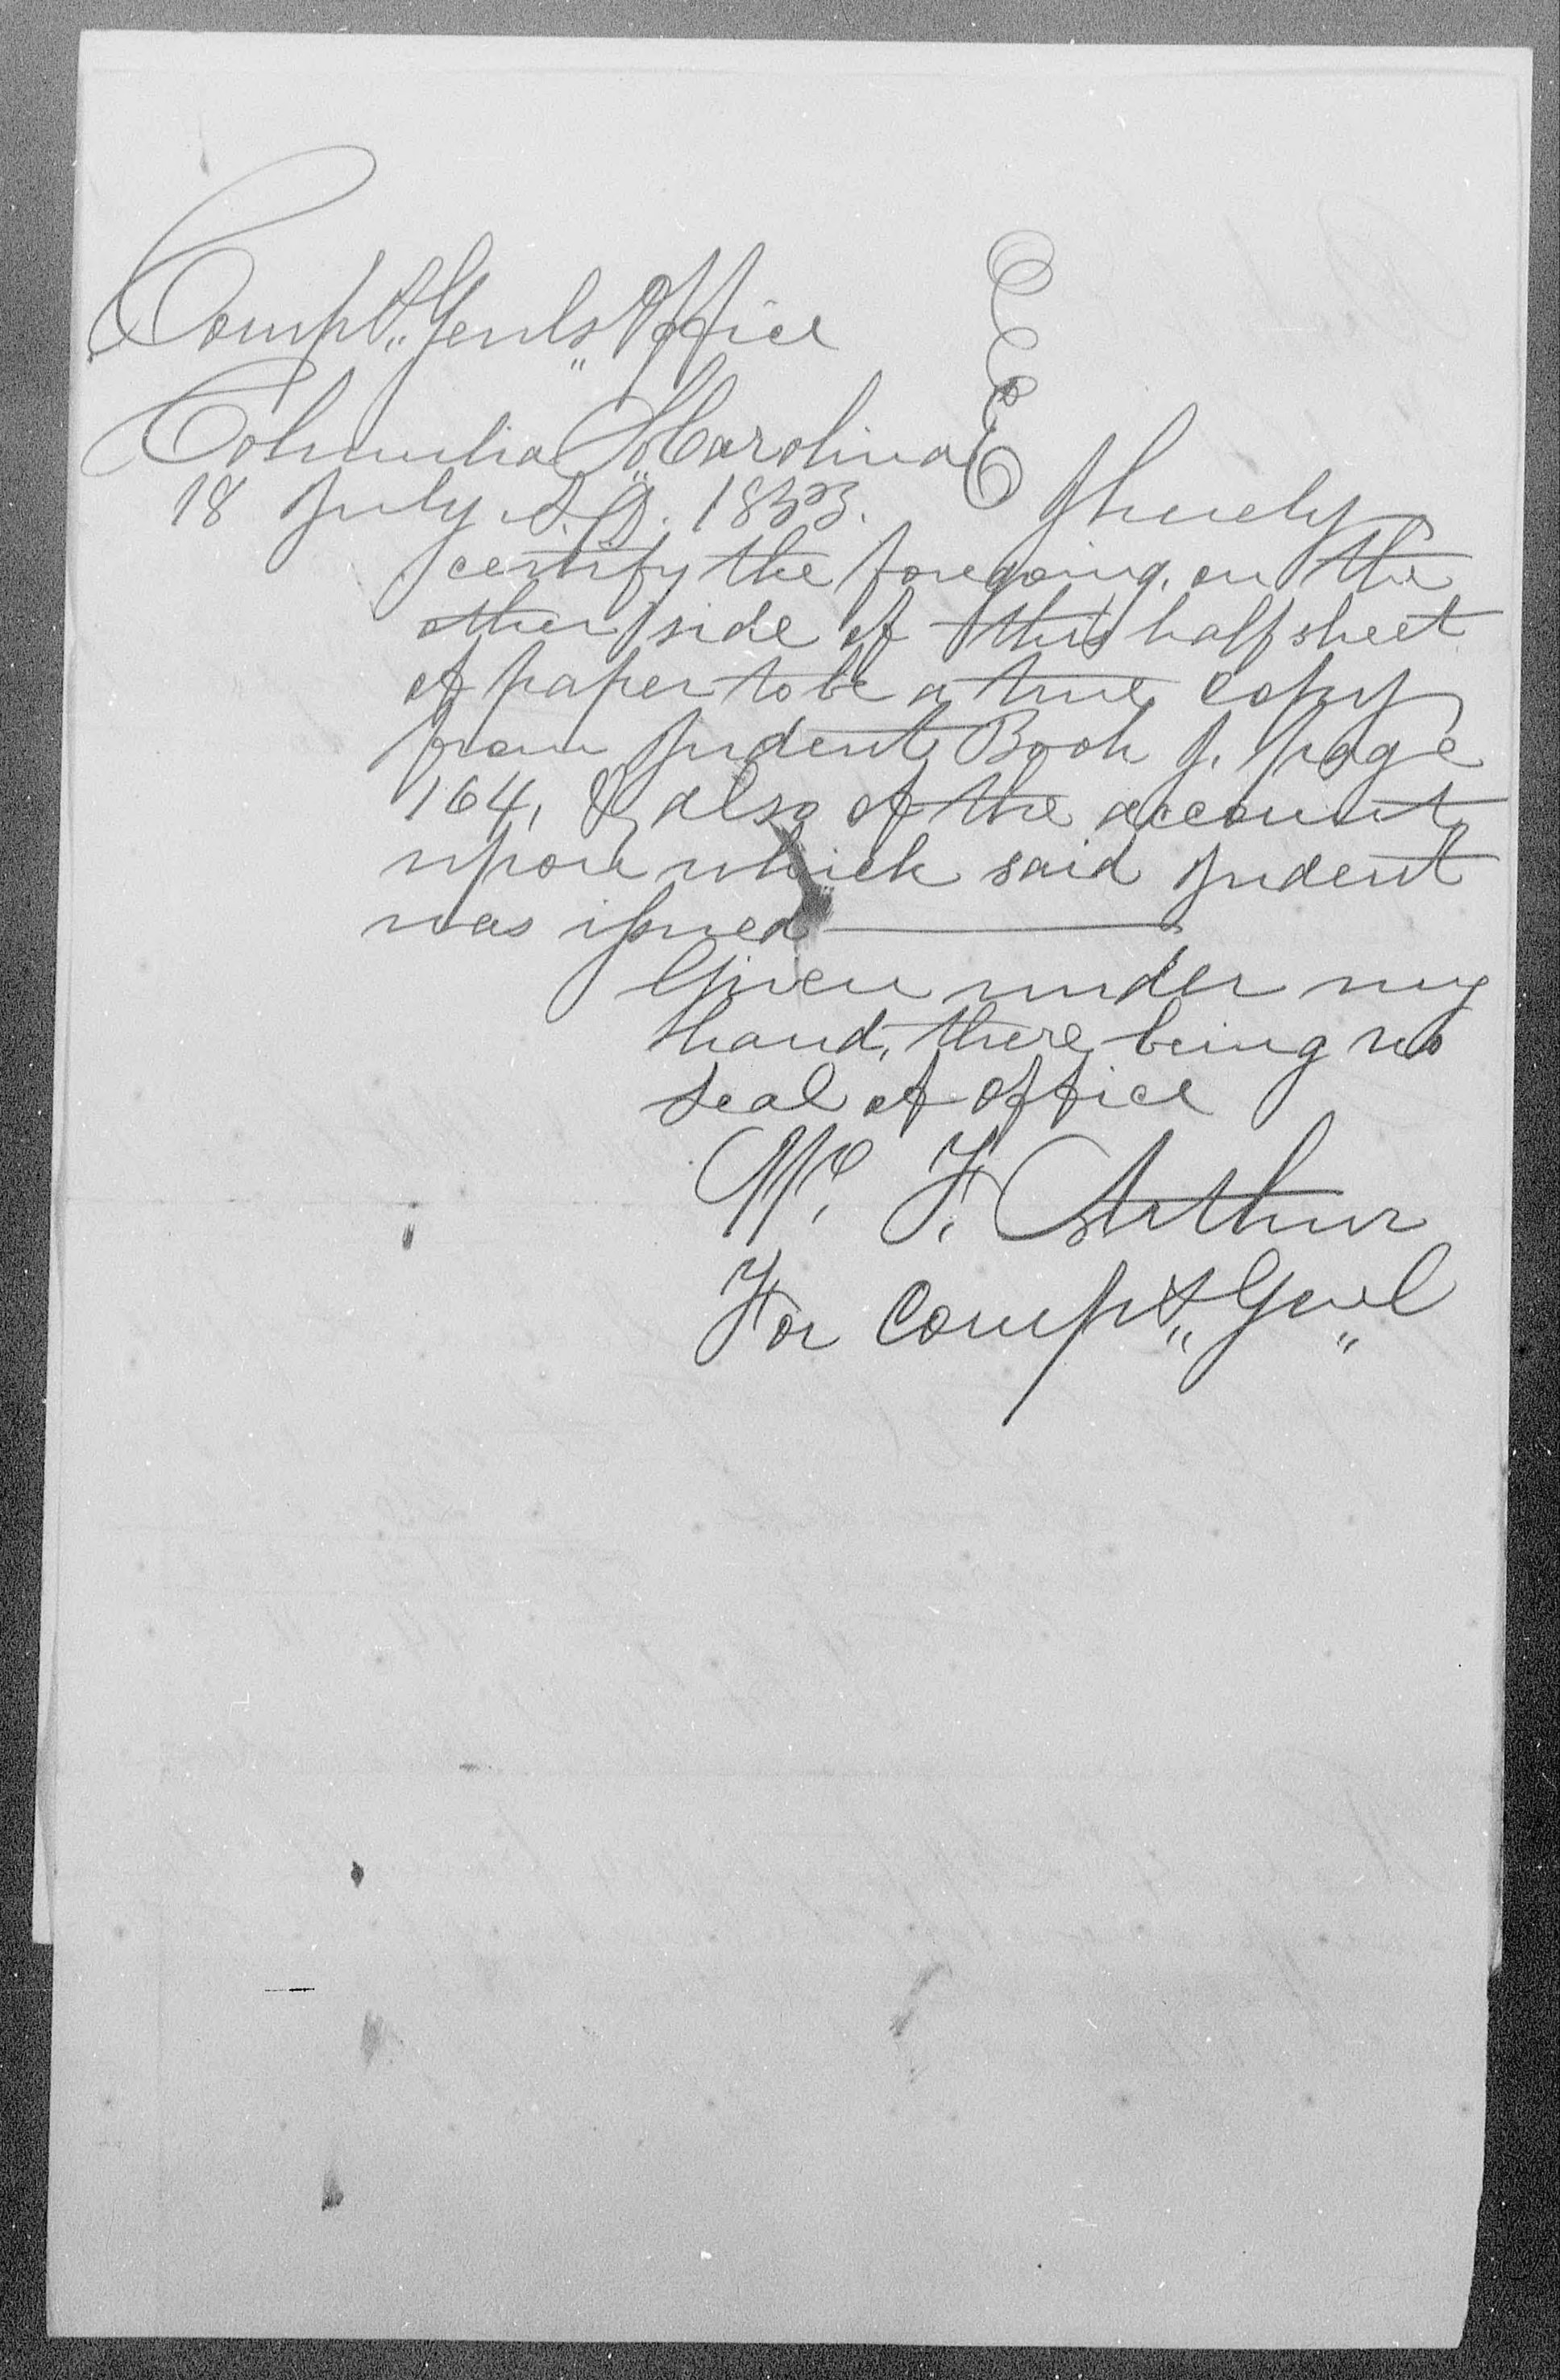Compt. Genls. Office
Columbia So. Carolina
18 July A.D. 1853
I hereby certify the foregoing on the other side of this half sheet of paper to contain a true copy from Indent Book J. page 164. & also of the account upon which said Indent was issued.
Given under my hand, there being no seal of office
W. F. Arthur
For Compt. Genl.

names: W F Arthur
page: 28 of 34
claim: rejected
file: R. 1,738, Walter Carson, N.C. S.C.